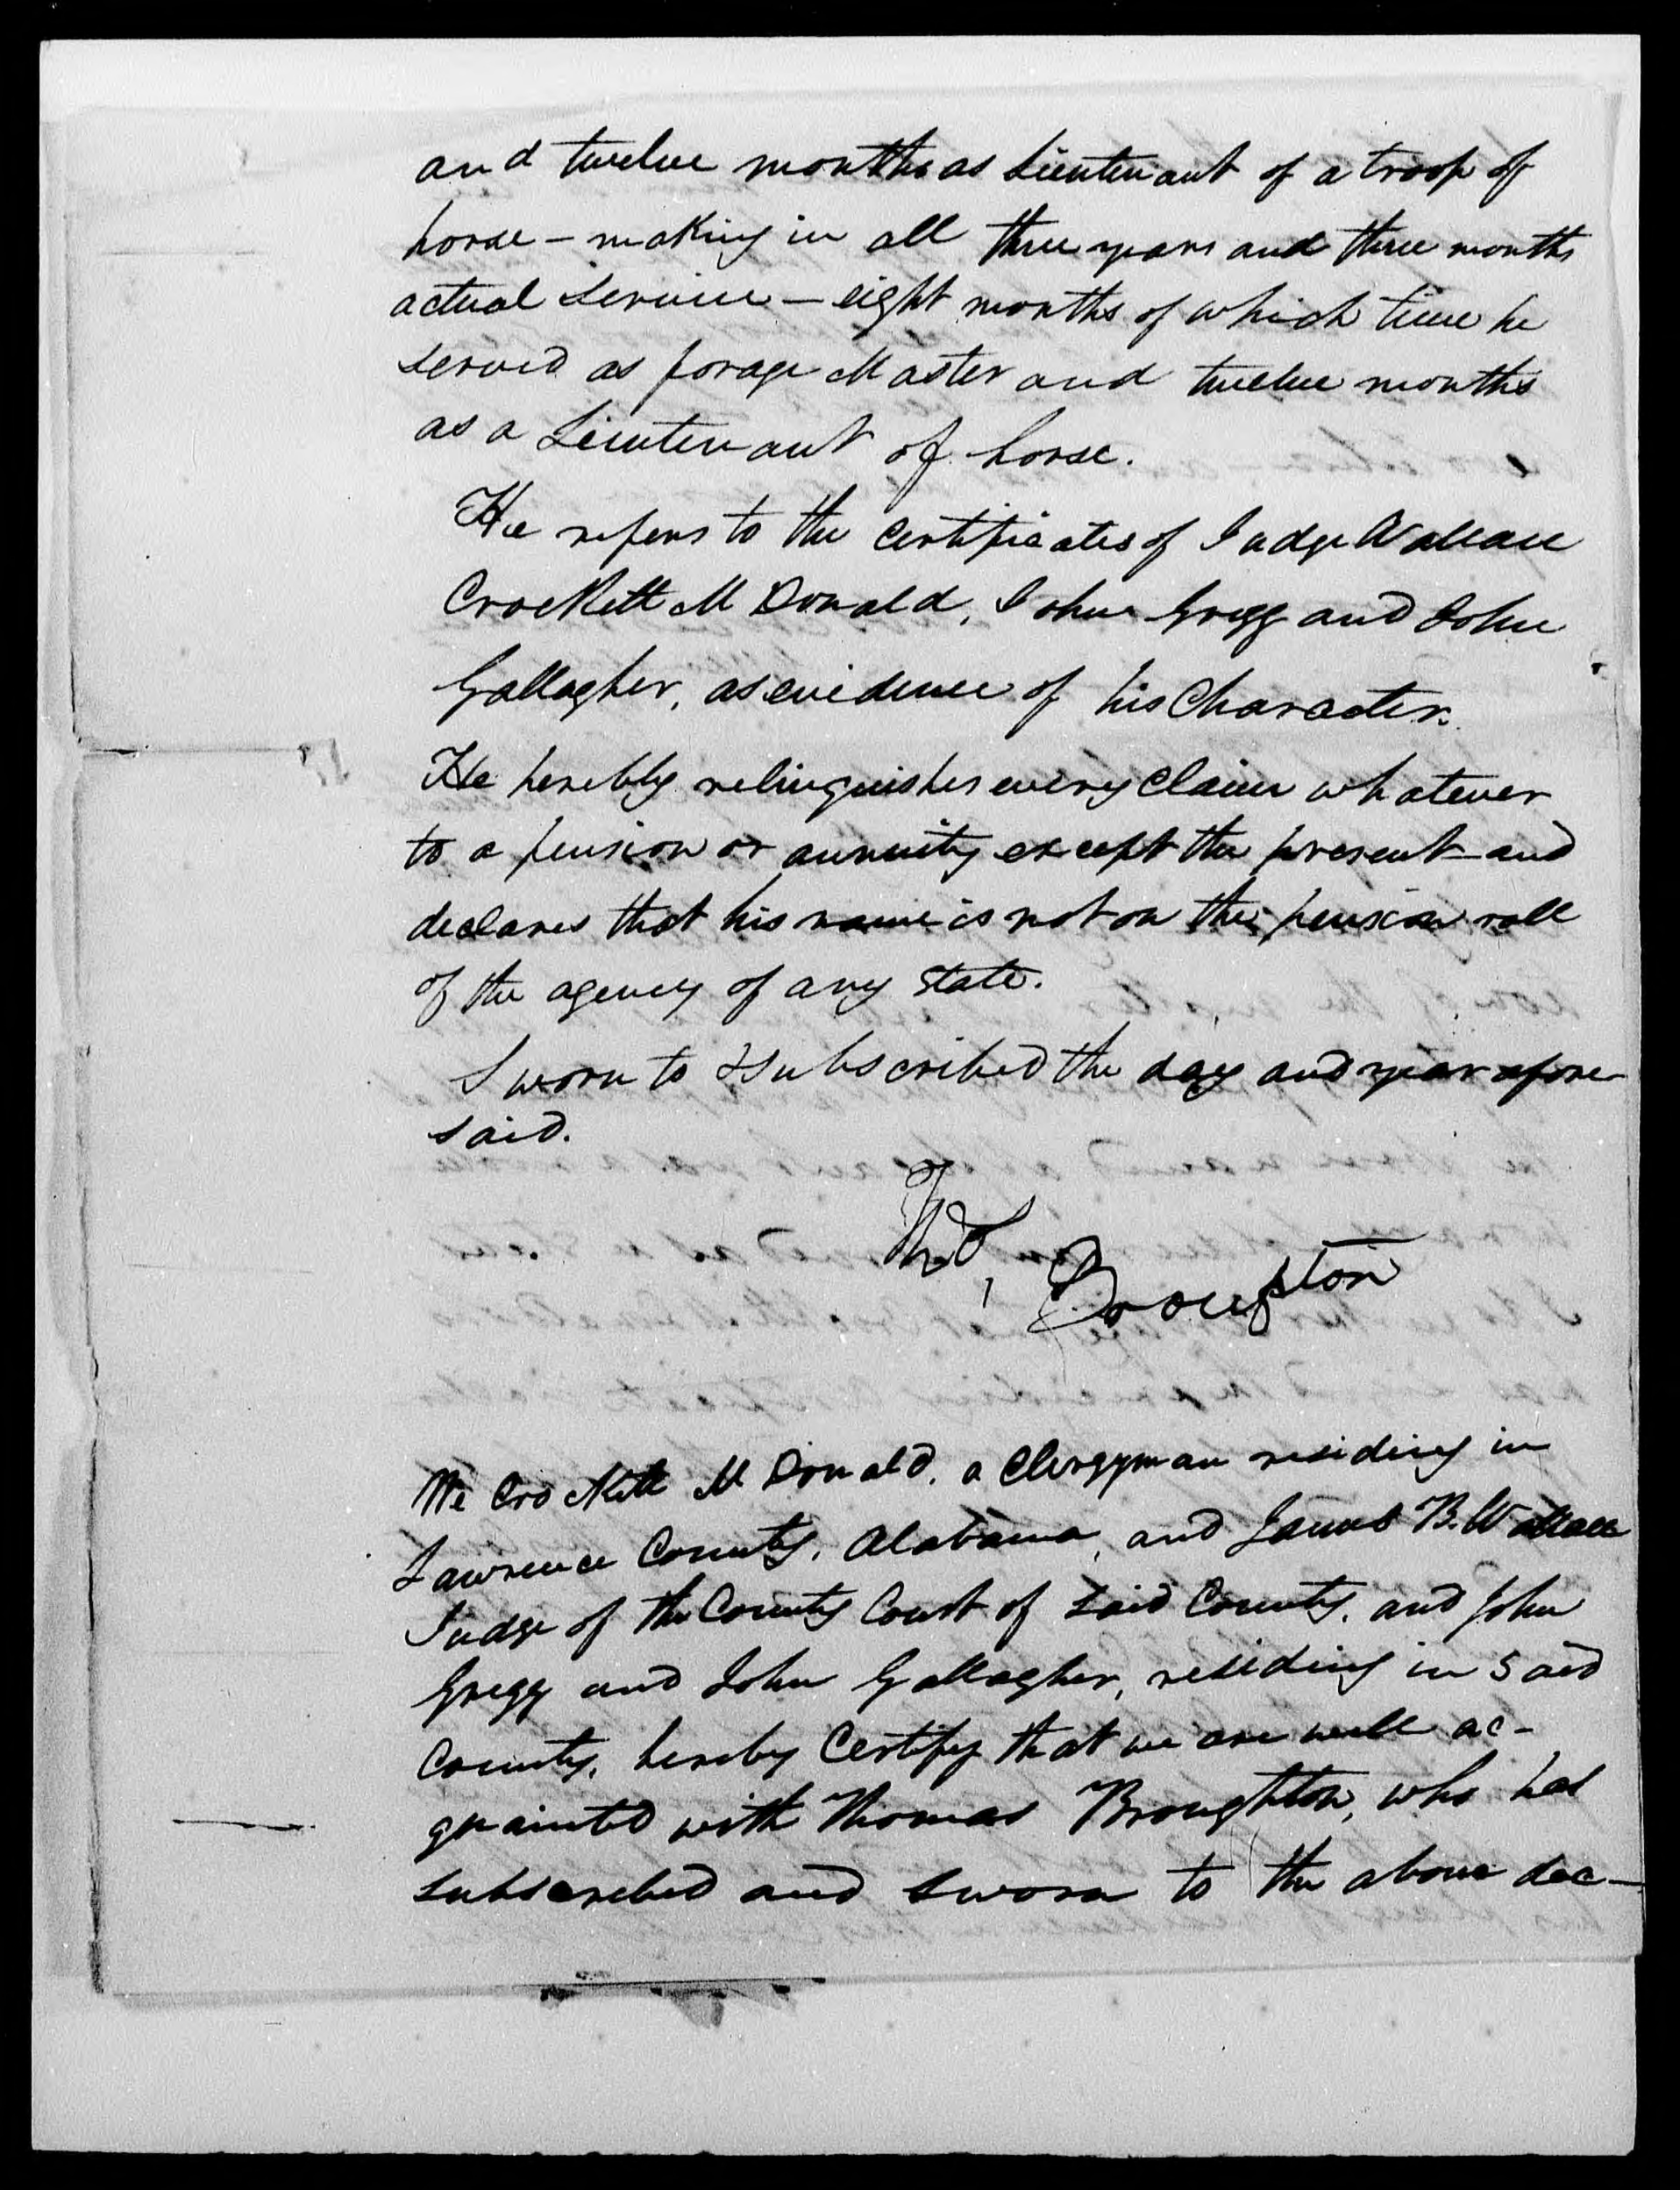and twelve months as Lieutenant of a troop of horse-- making in all three years and three months actual service - eight months of which time he Served as forage Master and twelve months as a Lieutenant of horse.
He refers to the certificate of Judge Wallace, Crockett M Donald, John Gregg and John Gallagher, as evidence of his character.
He hereby relinquishes every claim whatever to a pension or annuity except the present and declares that his name is not on the pension roll
of the agency of any State.
Sworn to & subscribed the day and year aforesaid
s/ Tho Broughton

We Crockett M Donald a Clergyman residing in Lawrence County, Alabama and James B Wallace
Judge of the County Court of said County, and John Gregg and John Gallagher, residing in said County hereby certify that we are well acquainted with Thomas Broughton, who has Subscribed and sworn to the above dec-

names: John Gregg, John Gallagher, Thos Broughton, Crockett M Donald, James B Wallace, Crockett M Donald, John Gallagher, Thomas Broughton, Wallace, John Gregg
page: 11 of 72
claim: widow's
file: W. 897, Thomas Broughton, S.C.